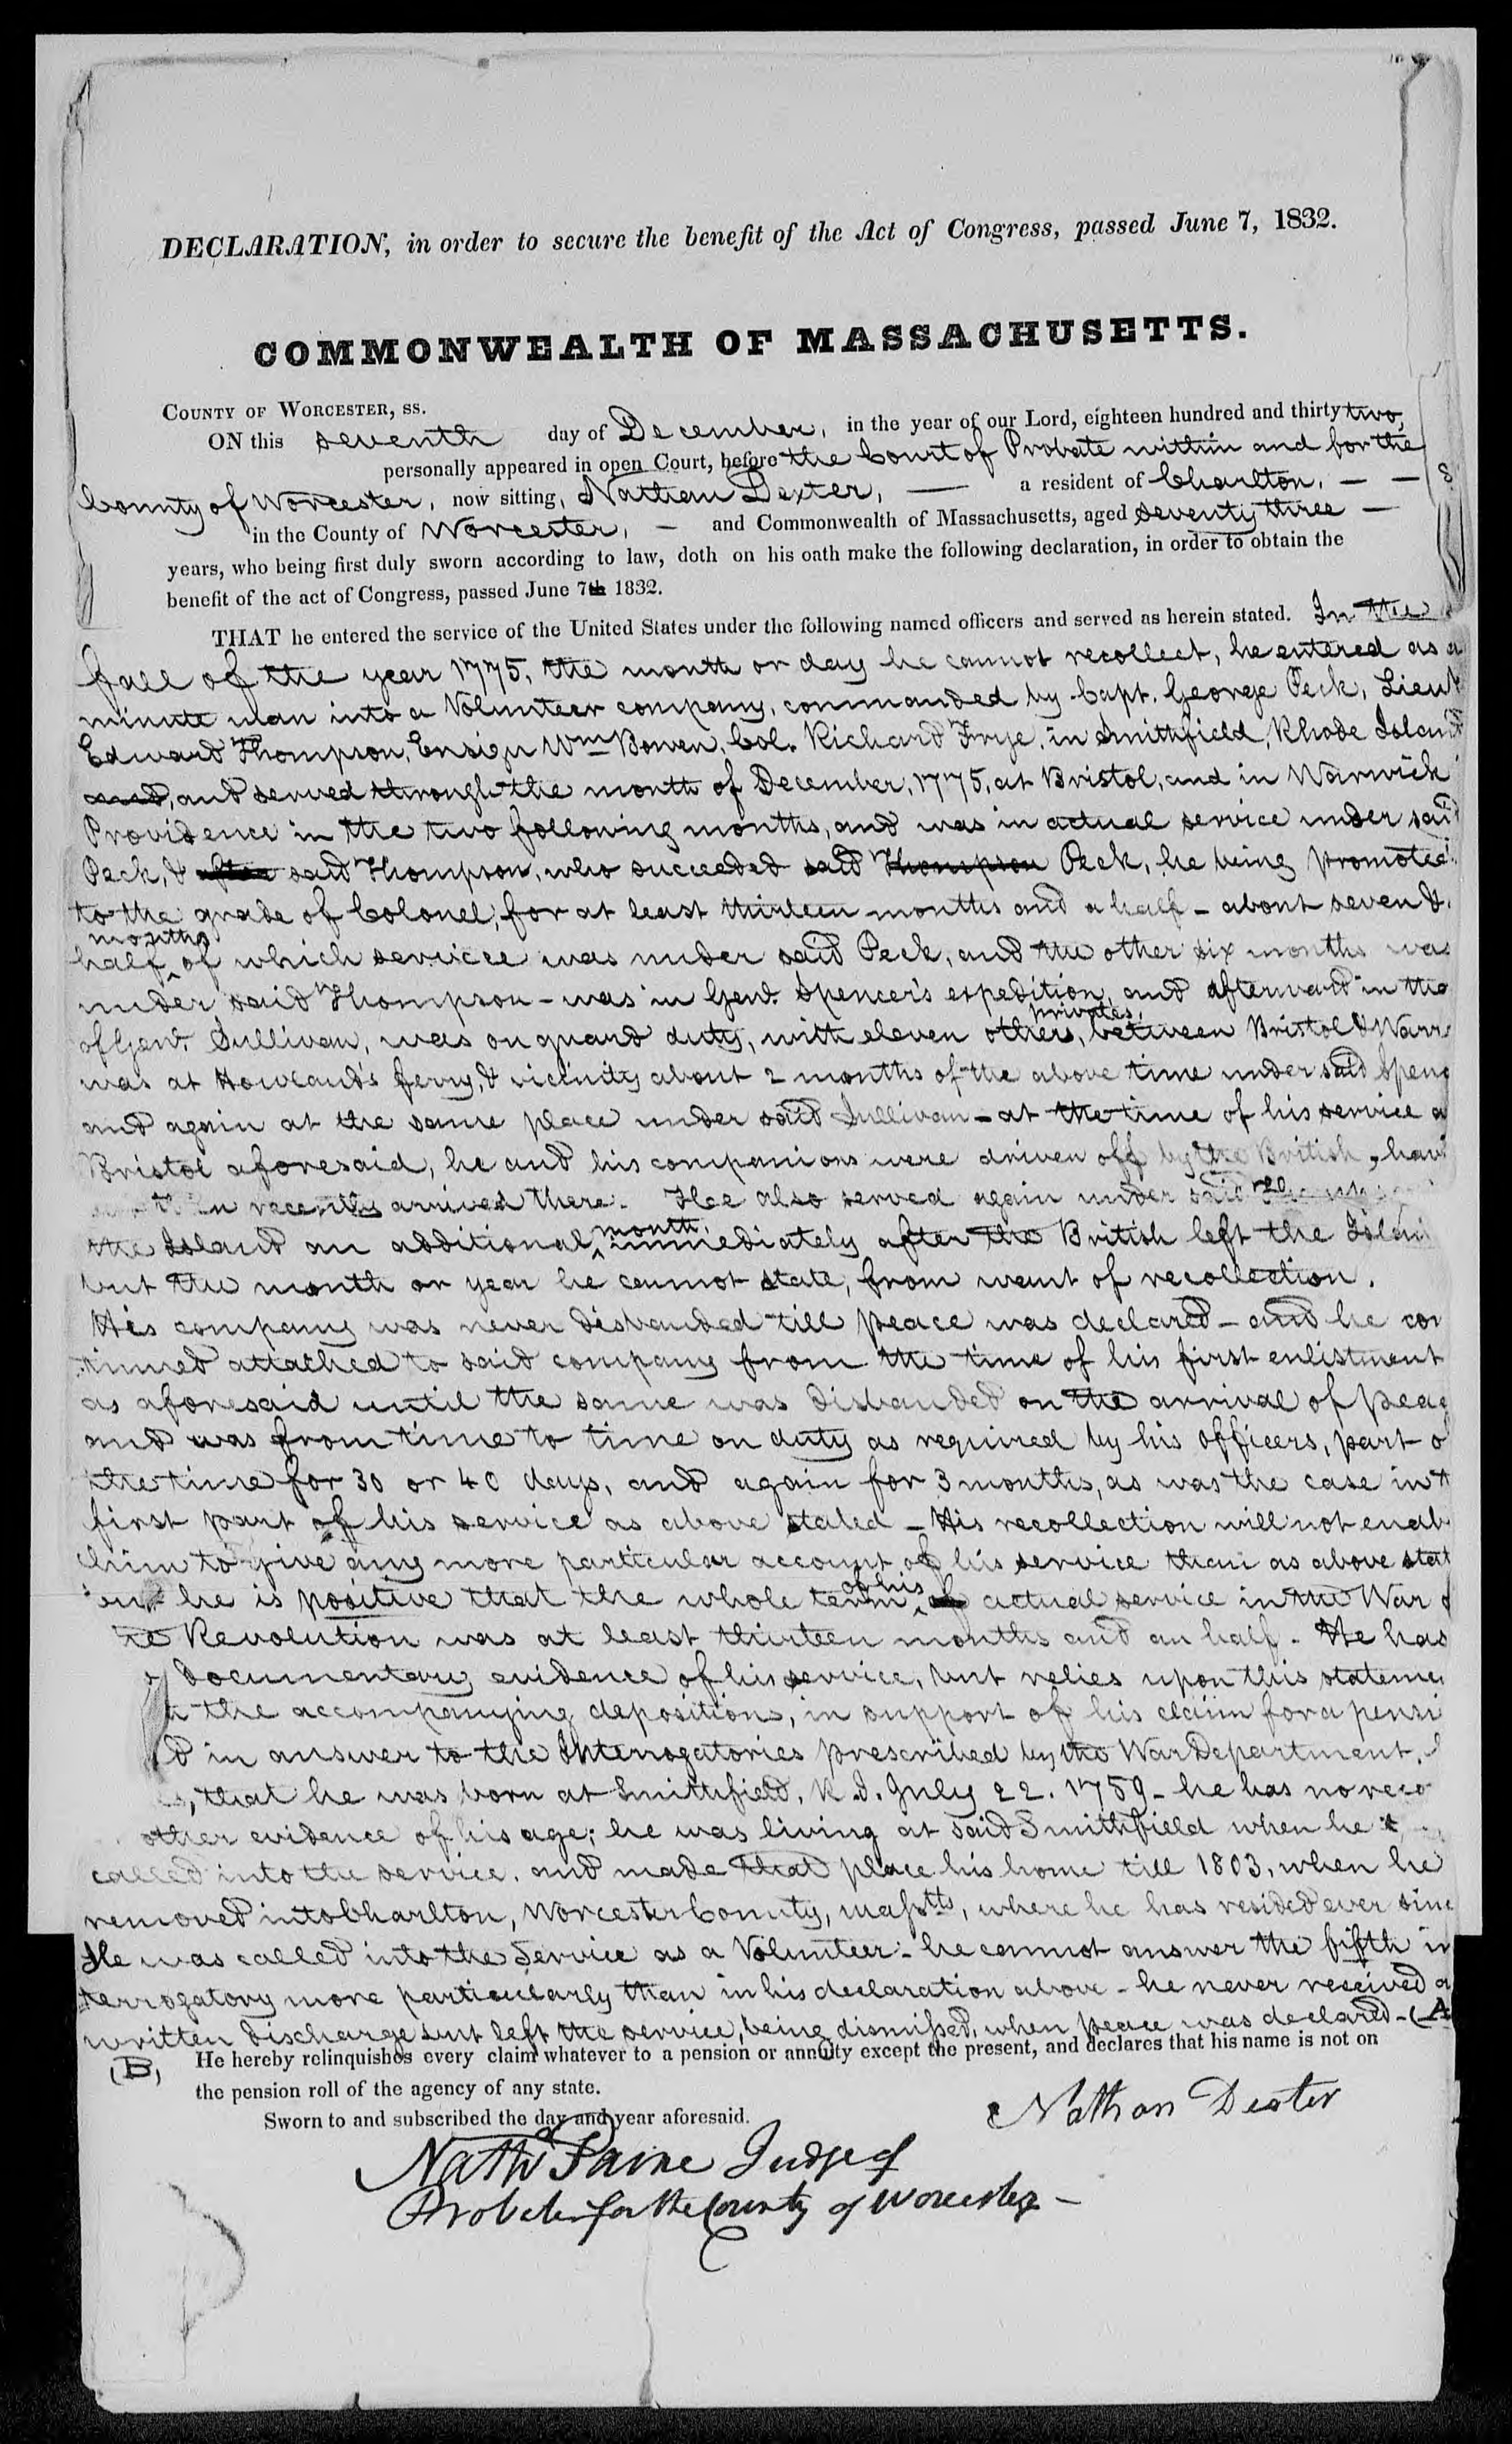Declaration, in order to secure the benefit of the Act of Congress, passed June 7, 1832.

COMMONWEALTH OF MASSACHUSETTS.

County of Worcester, SS.
On this seventh day of December, in the year of our Lord, eighteen hundred and thirty two, personally appeared in open Court, before the Court of Probate within and for the County of Worcester, now sitting, Nathan Dexter, a resident of Charlton in the County of Worcester, and Commonwealth of Massachusetts, aged seventy three years, who being first duly sworn according to law, doth on his oath make the following declaration, in order to obtain the benefit of the act of Congress, passed June 7th, 1832.

THAT he entered the service of the United States under the following named officers and served as herein stated. In the fall of the year 1775, the month or day he cannot recollect, he entered as a minute man into a volunteer company commanded by Capt. George Peck, Lieut Edward Thompson, Ensign Wm Bowen, Col. Richard Frye, in Smithfield, Rhode Island and served through the month of December 1775 at Bristol and in Warwick Providence in the two following months, and was in actual service under said Peck & [after - crossed out] said [Thompson - crossed out],  Peck, he being promoted to the grade of Colonel, for at least thirteen months and a half - about seven & half ^ months of which service was under said Peck and the other six months were under said Thompson - was in Genl Spencer's expedition and afterward in the of Genl. Sullivan, was on guard duty with eleven others, privates, between Bristol & Warwick, was at Howland's Ferry & vicinity about 2 months of the above time under Spencer and again at the same place under Sullivan at the time of his service at Bristol aforesaid, he and his companions were driven off by the British, having recently arrived there. He also served again under said Thompson the Island one additional month immediately after the British left the Island but the month or year he cannot state from want of recollection. His company was never disbanded till peace was declared and he continued attached to said company from the time of his first enlistment as aforesaid until the same was disbanded on the arrival of peace and was from time to time on duty as required by his officers, part of the time for 30 or 40 days, and again for 3 months, as was the case in the first part of his service as above stated. His recollection will not enable him to give any more particular account of his service than as above stated and he is positive that the whole term of his actual service in the war of the Revolution was at least thirteen months and an half. He has documentary evidence of his service, but relies upon this statement in the accompanying depositions in support of his claim for a pension in answer to the interrogatories prescribed by the war department.   that he was born at Smithfield R.I. July 22 1759 - he has no other evidence of his age; he was living at said Smithfield when he was called into the service, and made that place his home till 1803 when he removed into Charlton, Worcester County, Masstts, where he has resided ever since. He was called into the service as a volunteer. He cannot answer the fifth interrogatory more particularly than in his declaration above. He never received a written discharge but left the service, being dismissed, when peace was declared. (A)
(B) He hereby relinquishes every claim whatever to a pension or annuity except the present, and declares that his name is not on the pension roll of the agency of any state.
Sworn to and subscribed the day and year aforesaid
[signed] Nathan Dexter

[signed] Nath.Paine, Judge of Probate for the County of Worcester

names: George Peck, Richard Frye, Nathan Dexter, Thompson, Peck, Nathl Paine, Peck, Edward Thompson, Sullivan, Wm Bowen, Sullivan, Peck, Nathan Dexter, Thompson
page: 3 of 35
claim: survivor's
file: S. 18374, Nathan Dexter, R.I.